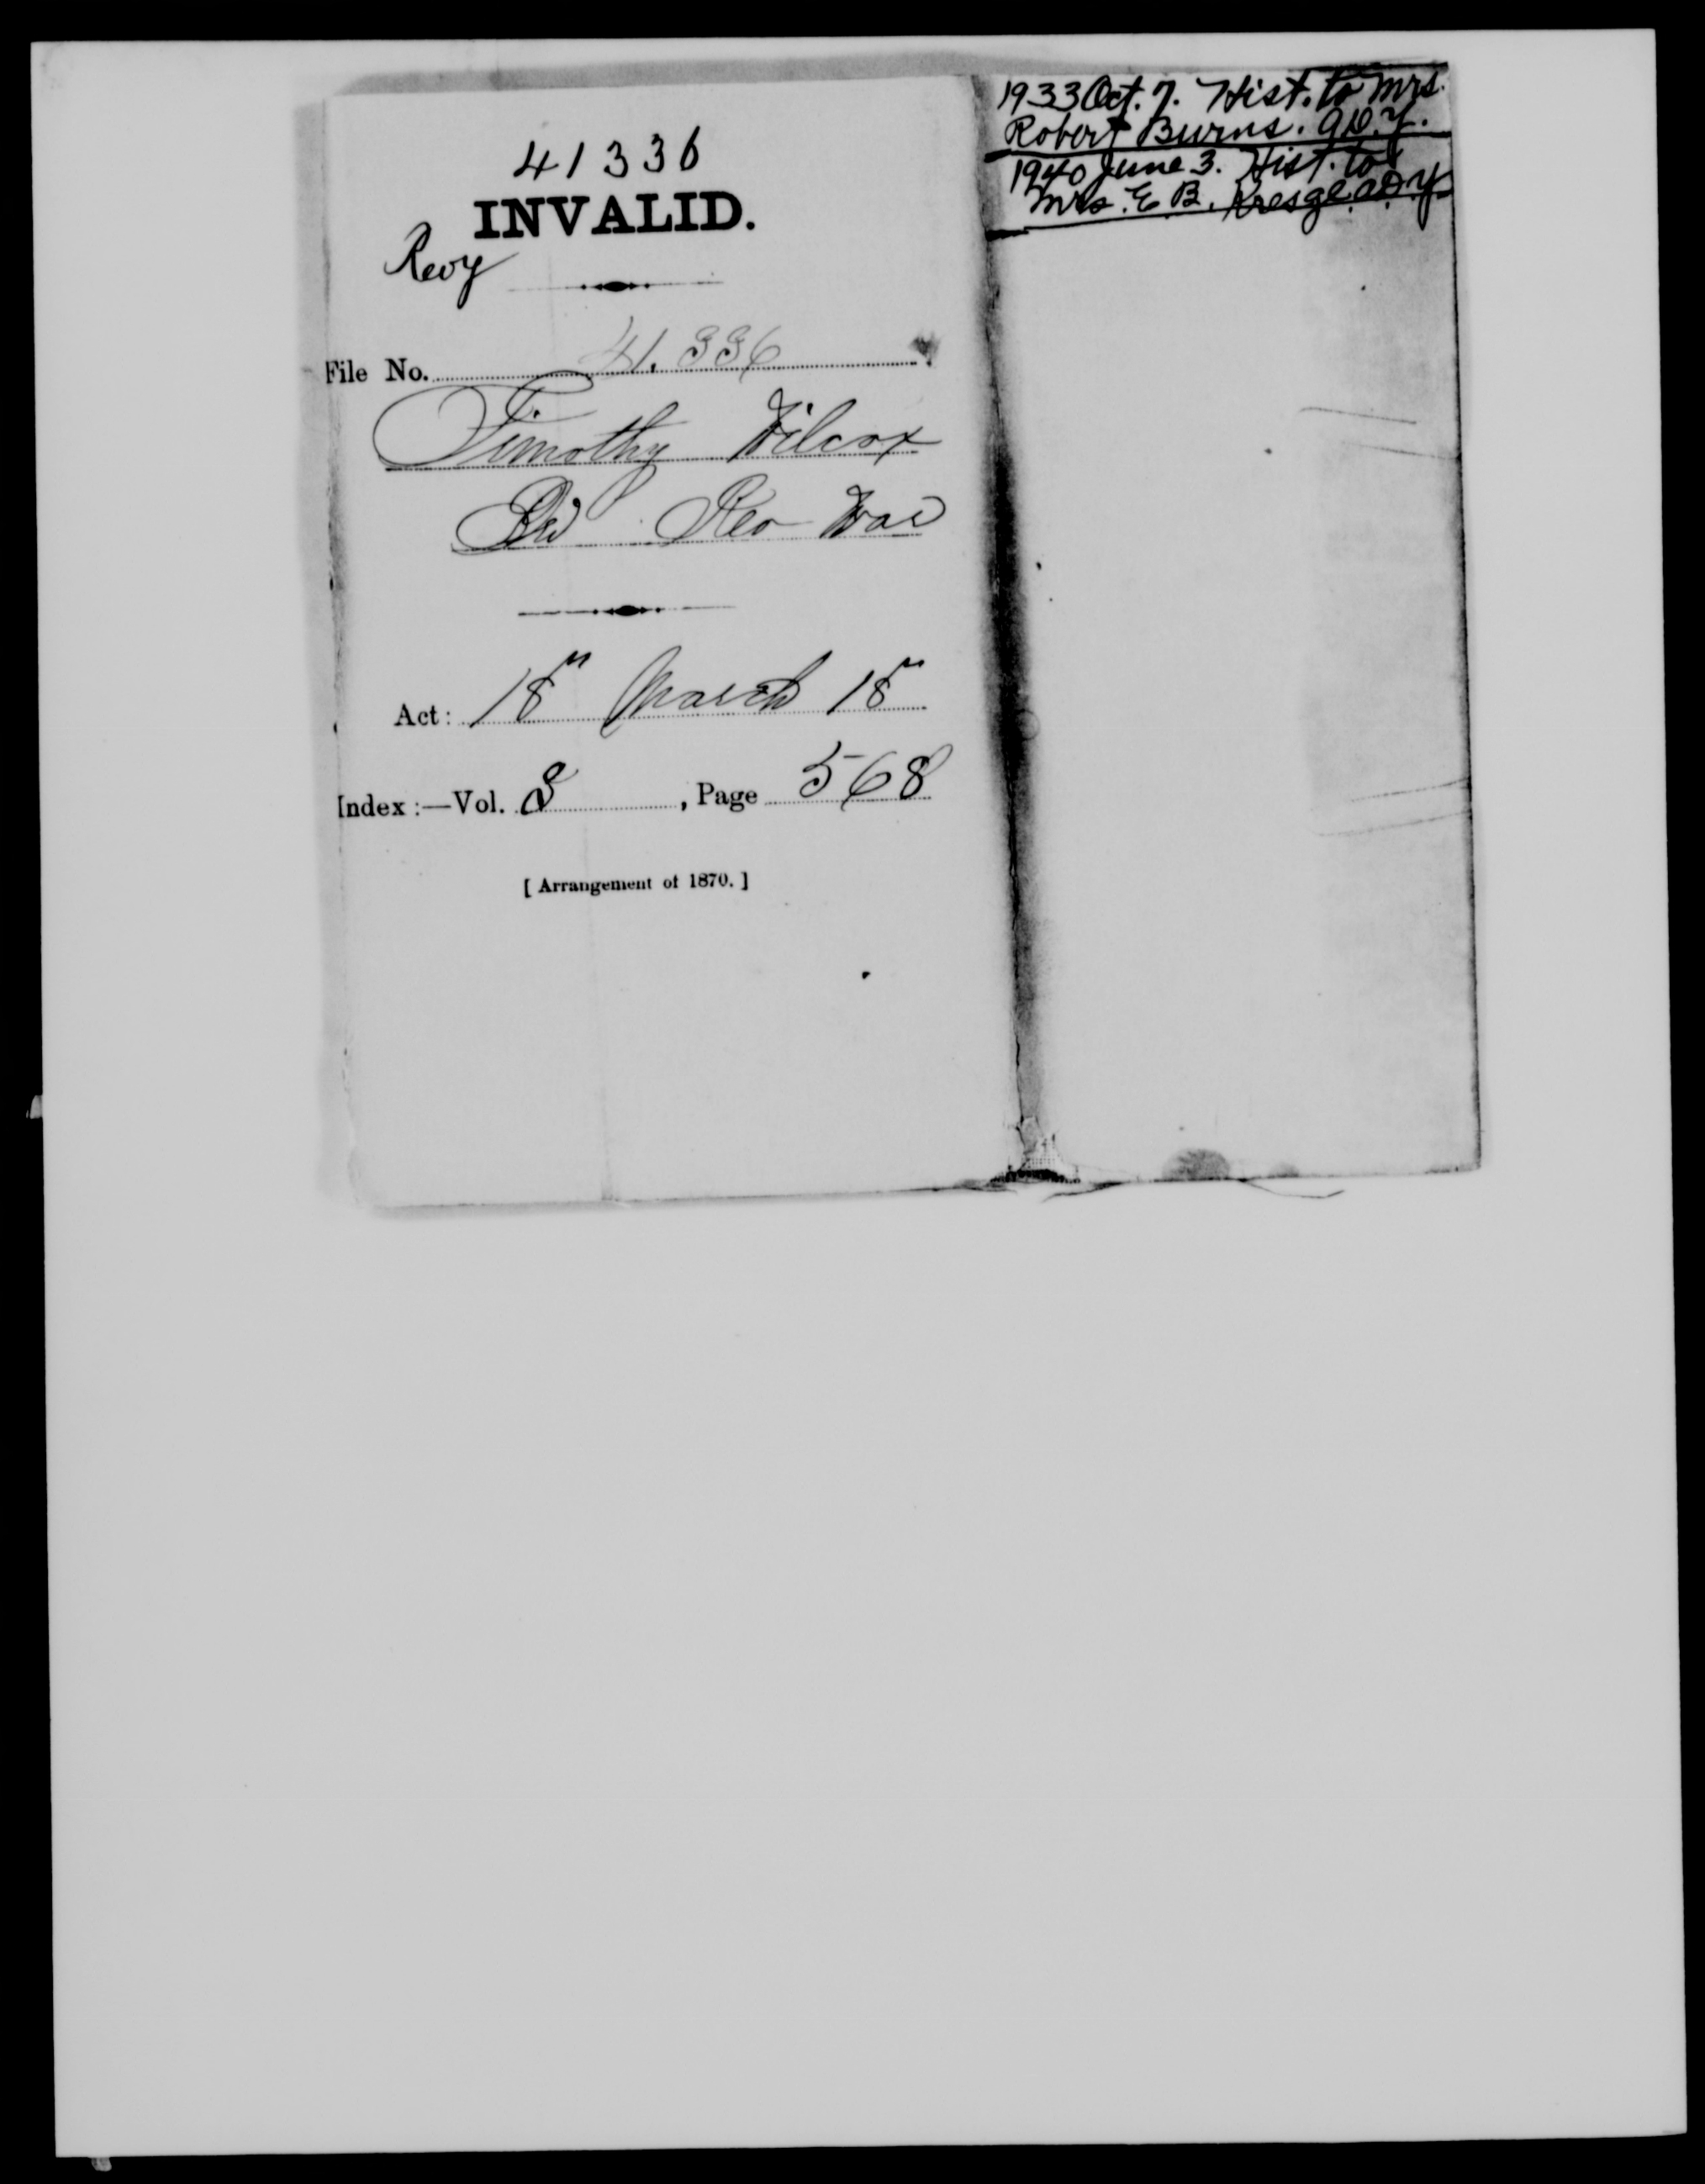41336
INVALID
Revy
File No. 41,336
Timothy Wilcox
Pri Rev War

Act: 18" March 18"
Index - Vol. S, Page 568

[Arrangement of 1870.]

[Handwritten text to right.]
1933 Oct. 7. Hist. to Mrs. 
Robert Burns, A.D.Y.
1940 June 3 Hist. to 
Mrs. E. B> Kresge A.D.Y.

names: E B Kresge, Robert Burns, Timothy Wilcox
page: 13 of 15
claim: survivor's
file: S. 41336, Timothy Willcox, Conn. Continental